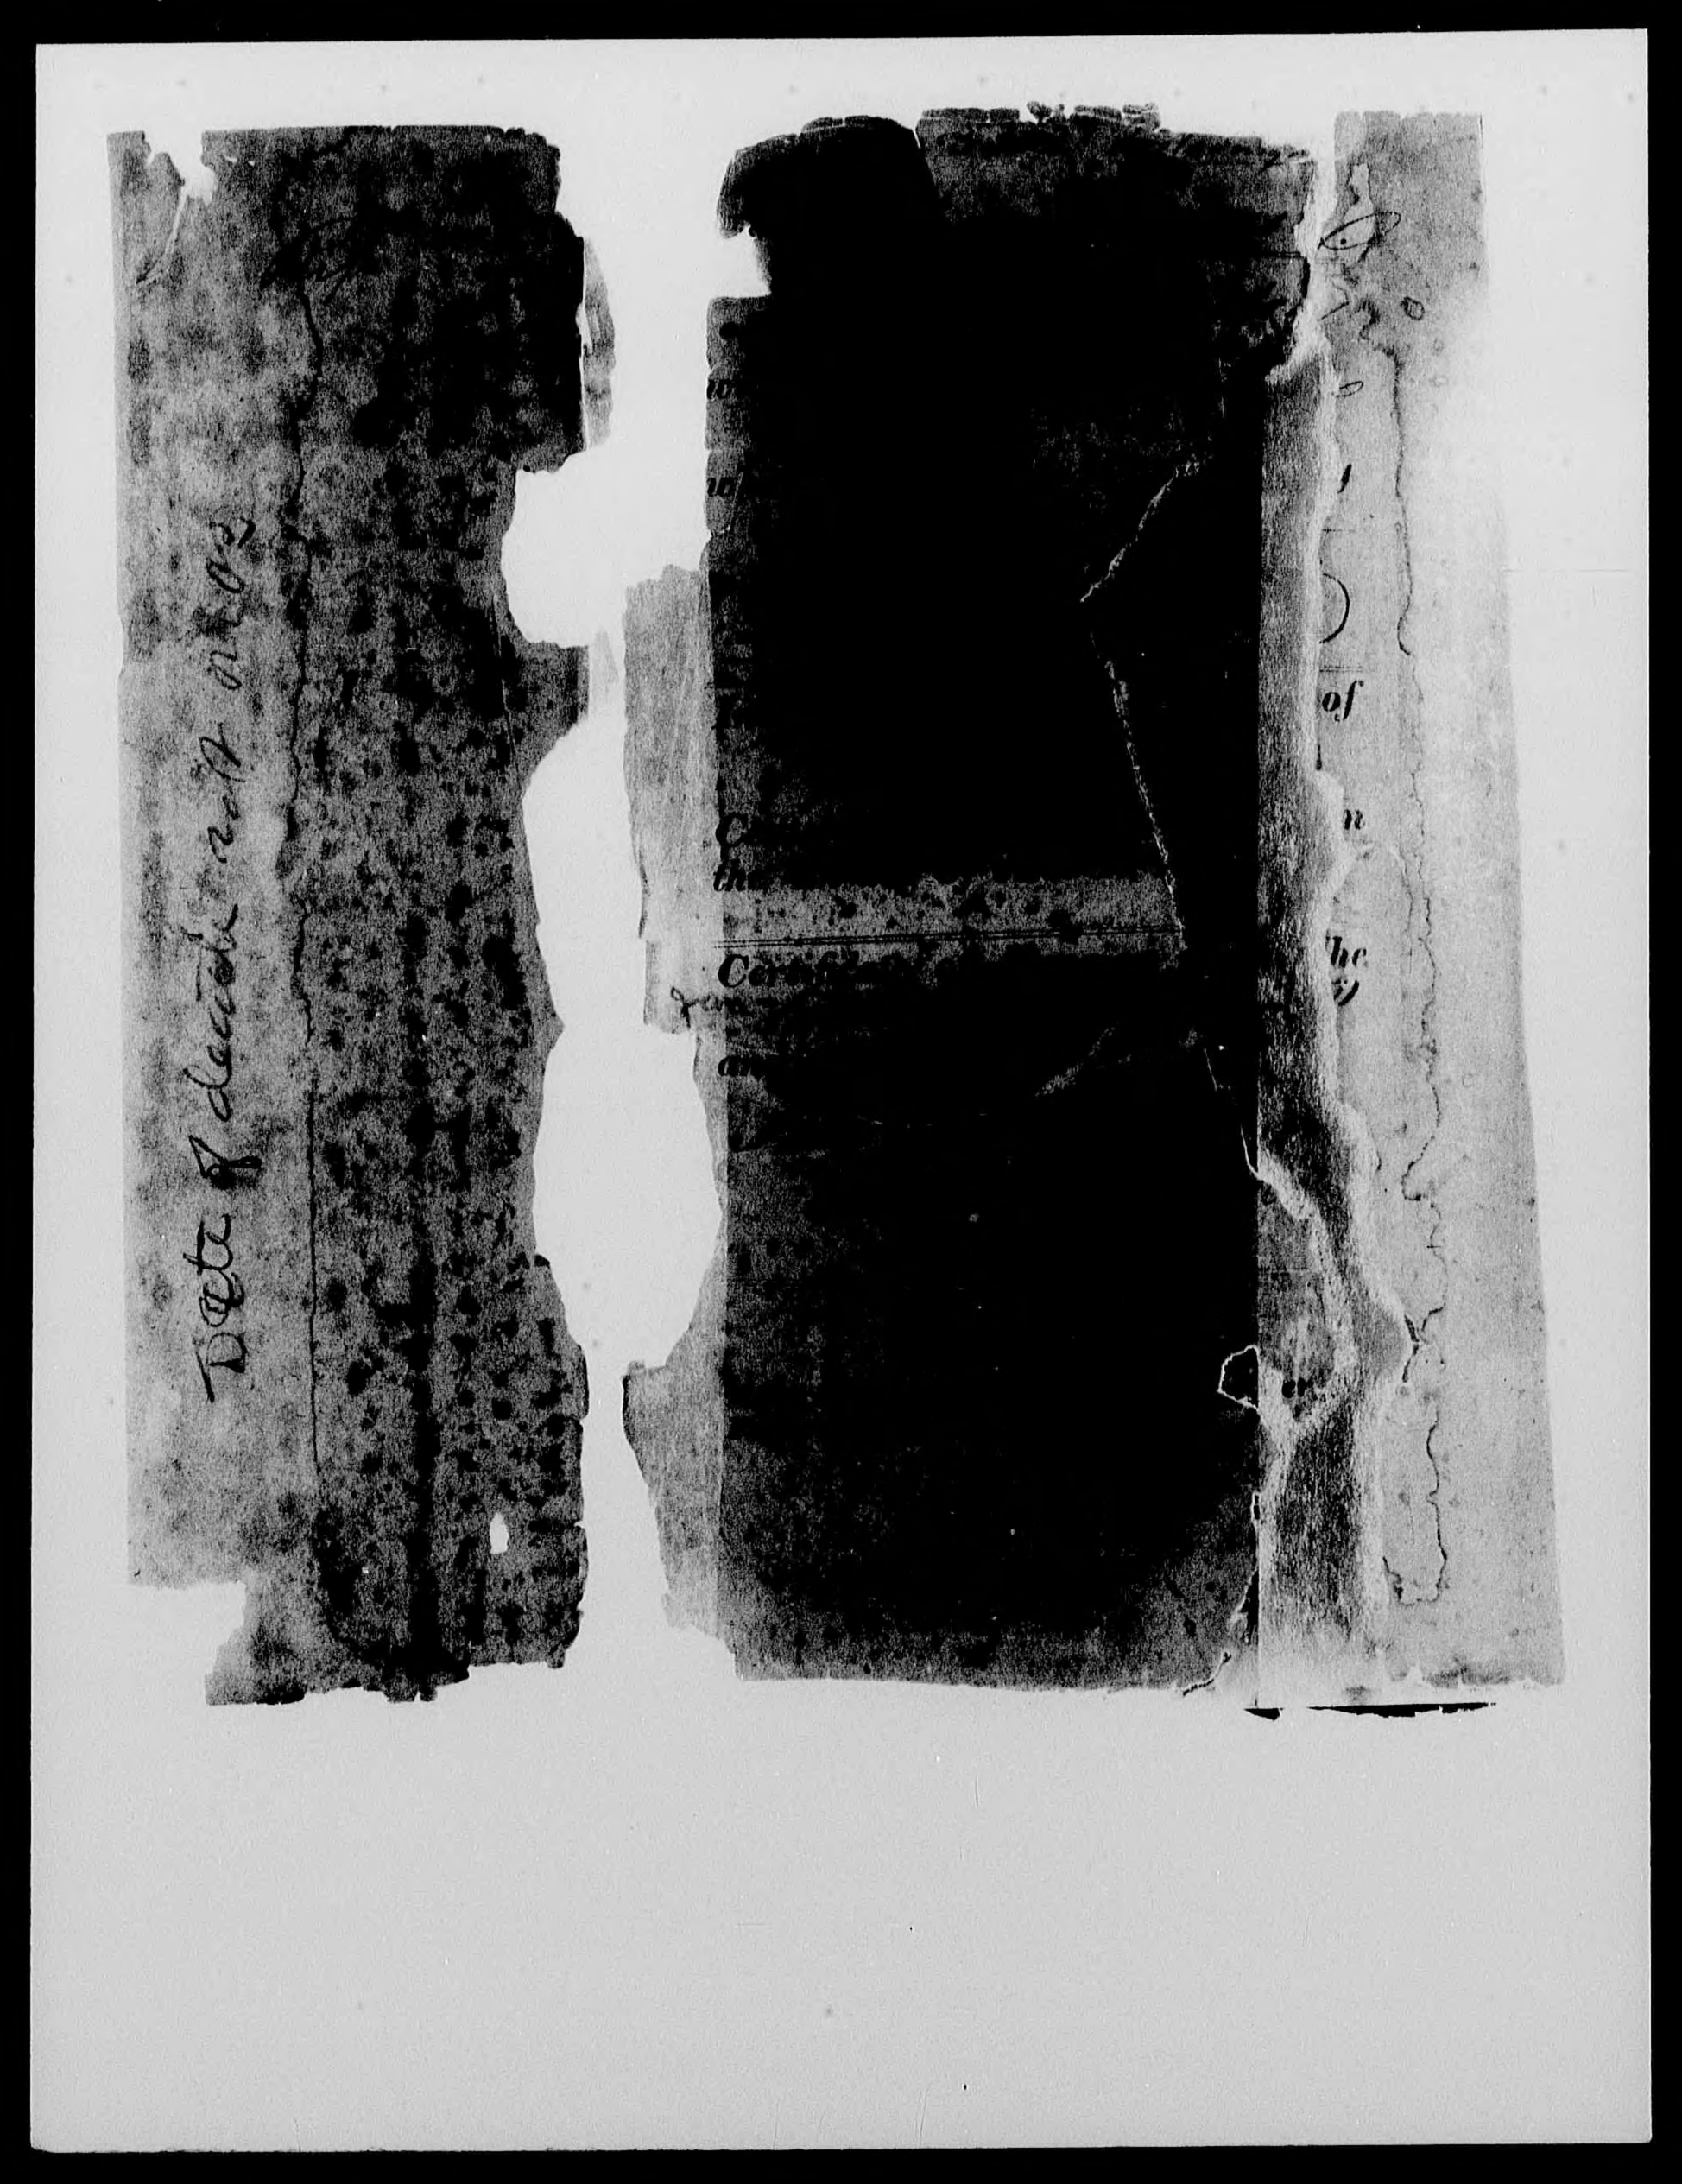[appear to be two charred pieces of parchment, reverse side of those seen on previous page.  Written vertically along left side]
Date of death not mos.
[right side of parchment toward the middle reads]
Certificate...
[nothing else is legible]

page: 3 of 83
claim: widow's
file: W. 5946, John Brandon, Penn